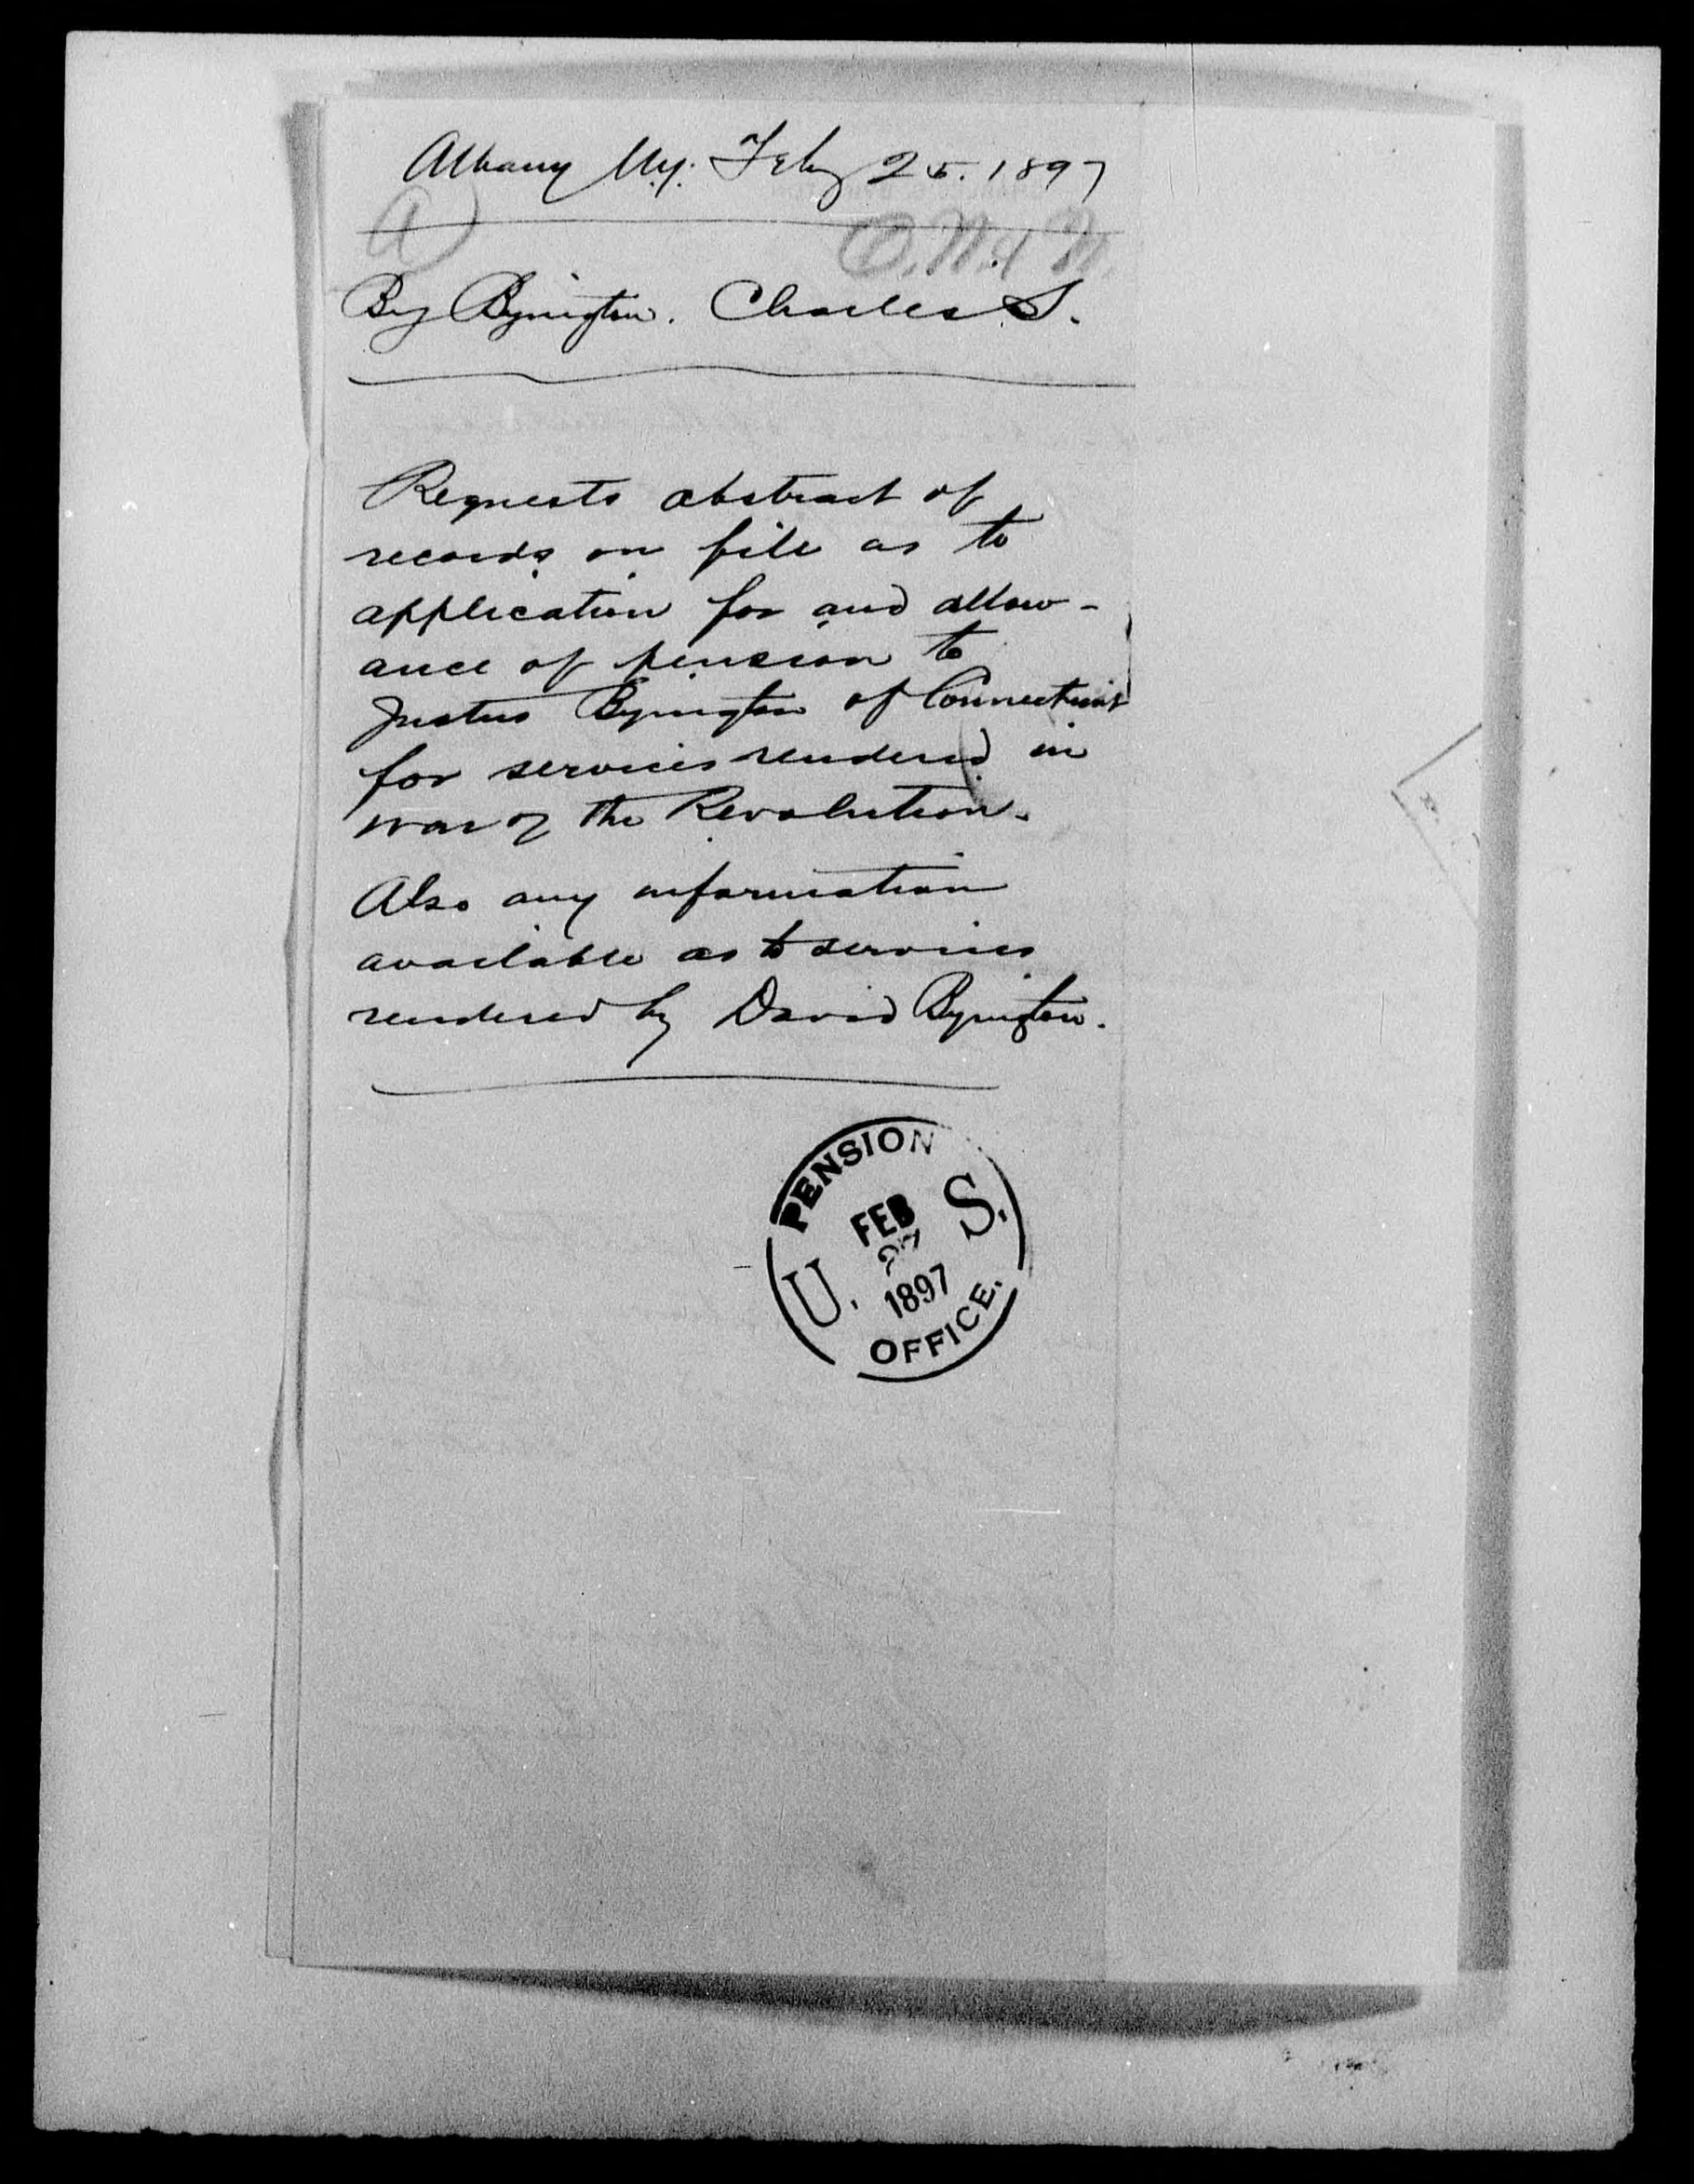Albany N.Y. Feby 25, 1897
By Byington, Charles S.

Requests abstract of records on file as to application for and allowance of pension to Justus Byington of Connecticut for services rendered in War of the Revolution.
Also any information available as to services rendered by David Byington.

[stamped]
U. S. PENSION OFFICE
FEB 27 1897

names: David Byington, Justus Byington, Charles S Byington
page: 73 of 79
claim: widow's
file: W. 23754, Justus Byington, Conn.